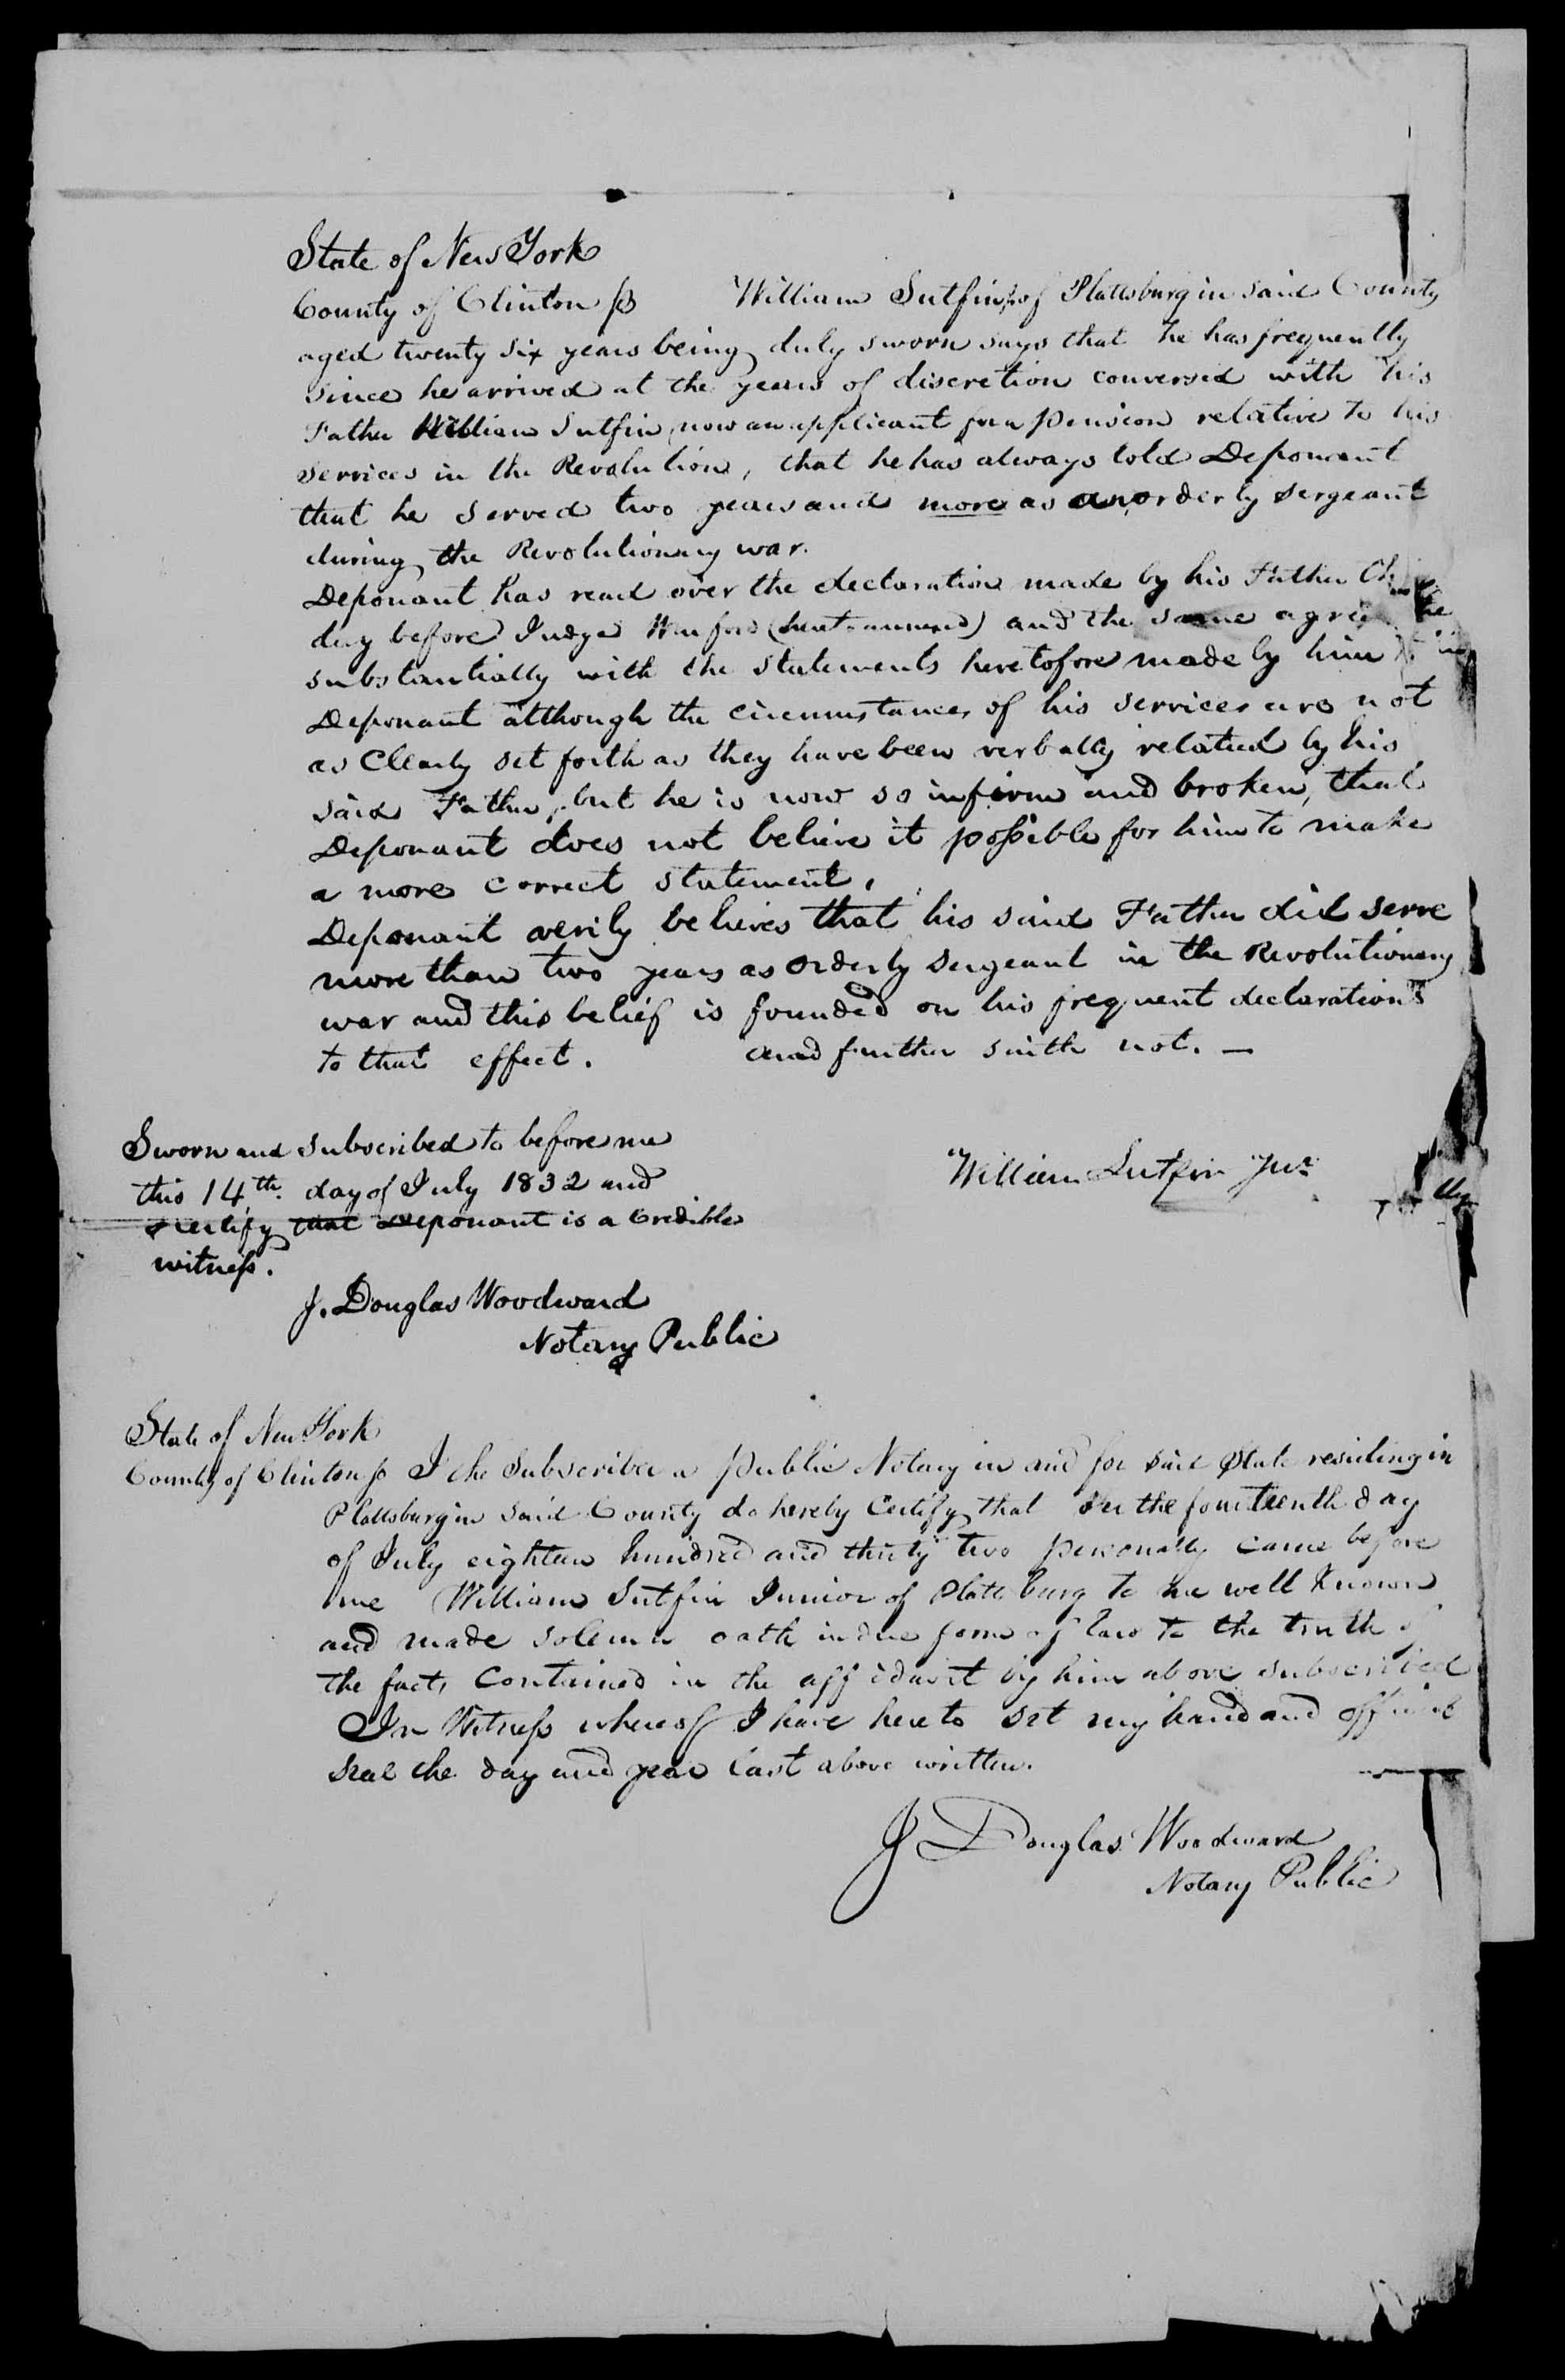State of New York
County of Clinton//

William Sutfin of Plattsburg in said County aged Twenty six years, being duly sworn says that he has frequently, since he arrived at the years of discretion, conversed with his father, William Sutfin, now an applicant for a pension relative to his services in the Revolution, that he has always told deponent that he served two years and more as an Orderly Sergeant during the Revolutionary War.

Deponent has read over the declaration made by his father this day before Judges Warford (hereto annexed) and the same agree substantially with the statements heretofore made by him, the deponent, although the circumstances of his services are not as clearly set forth as they have been verbally related by his said father, but he is now so infirm and broken, that deponent does not believe it possible for him to make a more correct statement.

Deponent verily believes that his said father did serve more than two years as Orderly Sergeant in the Revolutionary War and this belief is founded on his frequent declarations to that effect. And further saith not.
s/ William Sutfin, Jr.

Sworn and subscribed to before me this 14th day of July 1832 and I certify that deponent is a credible witness.
s/ J. Douglas Woodward, Notary Public

State of New York
County of Clinton//

I, the Subscriber, a Public Notary in and for said State residing in Plattsburg in said County, do hereby certify that on the Fourteenth day of July Eighteen Hundred and Thirty two personally came before me, William Sutfin, Junior, of Plattsburg, to me well know and made solemn oath in due form of law to the truth o the facts contained in the affidavit by him above subscribed. In Witness whereof I have hereto set my hand and official seal the day and year last above written.
s/ J. Douglas Woodward, Notary Public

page: 6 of 11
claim: survivor's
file: S. 14628, for William Sutfin, New Jersey